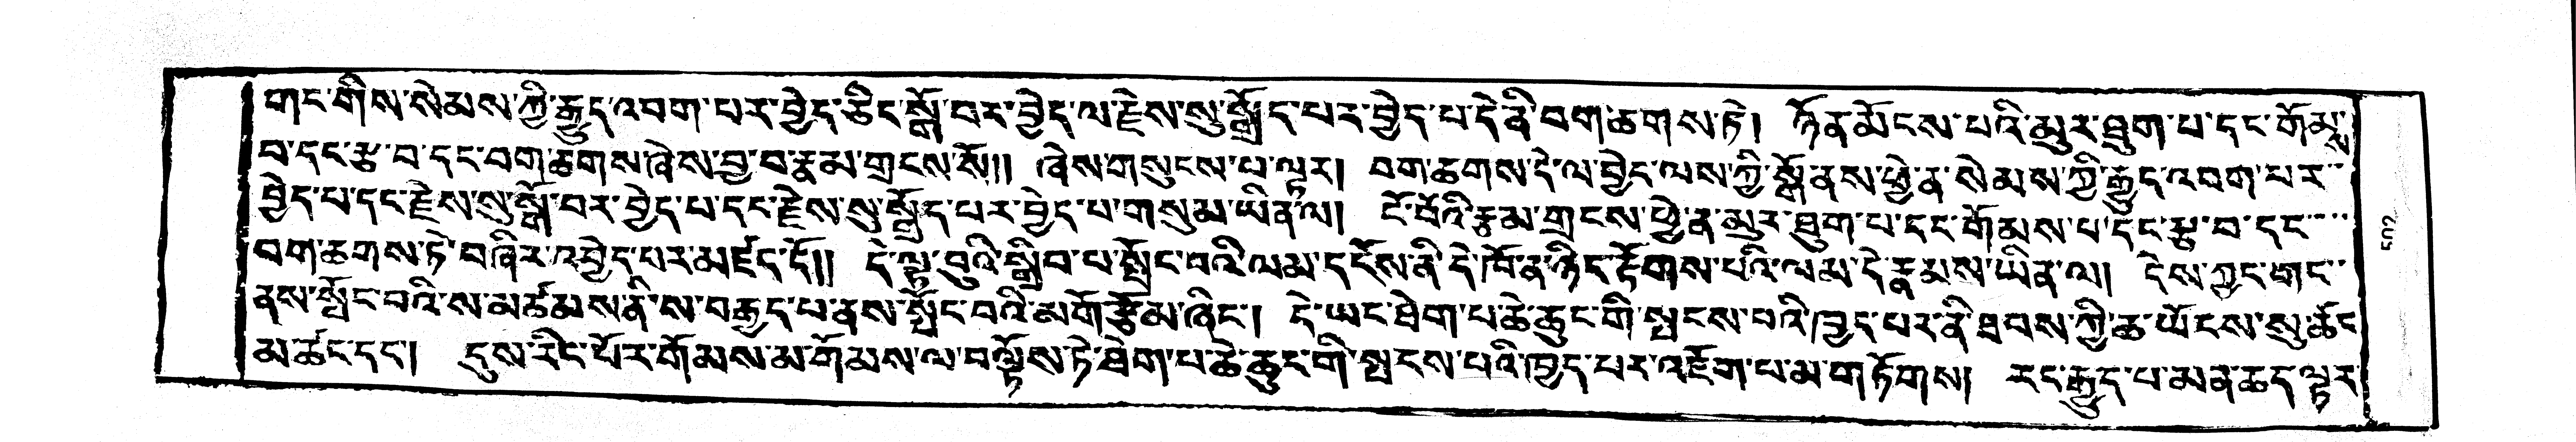གང་གིས་སེམས་ཀྱི་རྒྱུད་འབག་པར་བྱེད་ཅིང་སྒོ་བར་བྱེད་ལ་རྗེས་སུ་སྒྲོད་པར་བྱེད་པ་དེ་ནི་བག་ཆགས་ཏེ། ཉོན་མོངས་པའི་མུར་ཐུག་པ་དང་གོམས་
བ་དང་རྩ་བ་དང་བག་ཆགས་ཞེས་བྱ་བ་རྣམ་གྲངས་སོ། །ཞེས་གསུངས་པ་ལྟར། བག་ཆགས་དེ་ལ་བྱེད་ལས་ཀྱི་སྒོ་ནས་ཕྱེ་ན་སེམས་ཀྱི་རྒྱུད་འབག་པར་
བྱེད་པ་དང་རྗེས་སུ་སྒོ་བར་བྱེད་པ་དང་རྗེས་སུ་སྒྲོད་པར་བྱེད་པ་གསུམ་ཡིན་ལ། ངོ་བོའི་རྩམ་གྲངས་ཕྱེ་ན་མུར་ཐུག་པ་དང་གོམས་པ་དང་རྩ་བ་དང་
བག་ཆགས་ཏེ་བཞིར་འབྱེད་པར་མཛད་དོ། །དེ་ལྟ་བུའི་སྒྲིབ་པ་སྤོང་བའི་ལམ་དངོས་ནི་དེ་ཁོ་ན་ཉིད་རྟོགས་པའི་ལམ་དེ་རྣམས་ཡིན་ལ། དེས་ཀྱང་གང་
ནས་སྤོང་བའི་ས་མཚམས་ནི་ས་བརྒྱད་པ་ནས་སྤོང་བའི་མགོ་རྩོམ་ཞིང་། དེ་ཡང་ཐེག་པ་ཆེ་ཆུང་གི་སྤངས་པའི་ཁྱད་པར་ནི་ཐབས་ཀྱི་ཆ་ཡོངས་སུ་ཚང་
མ་ཚང་དང་། དུས་རིང་པོར་གོམས་མ་གོམས་ལ་བལྟོས་ཏེ་ཐེག་པ་ཆེ་ཆུང་གི་སྤངས་པའི་ཁྱད་པར་འཇོག་པ་མ་གཏོགས། རང་རྒྱུད་པ་མན་ཆད་ལྟར་